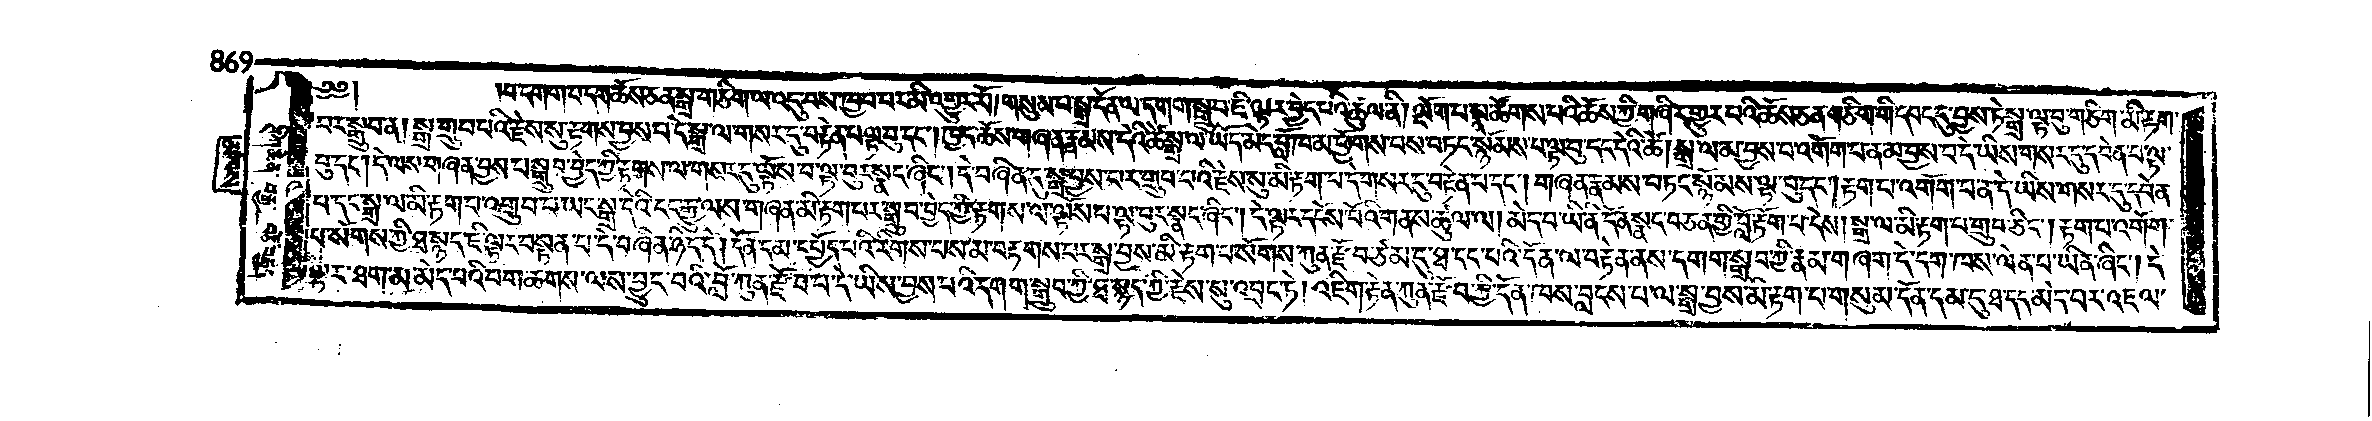༄༅། །པ་དགག་པ་དག་ཆོས་ཅན་སྒྲ་གཅིག་ལ་འདུ་བས་ཁྱབ་པར་མི་འགྱུར་རོ། །གསུམ་པ་སྒྲ་དོན་ལ་དགག་སྒྲུབ་ཇི་ལྟར་བྱེད་པའི་ཚུལ་ནི། ལྡོག་པ་སྣ་ཚོགས་པའི་ཆོས་ཀྱི་གཞིར་གྱུར་བའི་ཆོས་ཅན་གཅིག་གི་དབང་དུ་བྱས་ཏེ་སྒྲ་ལྟ་བུ་གཅིག་མི་རྟག་
པར་སྒྲུབ་ན། སྒྲ་གྲུབ་པའི་རྗེས་སུ་རྟགས་བྱས་པ་དེ་སྒྲ་ལ་གསར་དུ་བརྟེན་པ་ལྟ་བུ་དང་། ཁྱད་ཆོས་གཞན་རྣམས་དེའི་ཚེ་སྒྲ་ལ་ཡོད་མེད་བློ་ཁ་མ་ཕྱོགས་པས་བཏང་སྙོམས་པ་ལྟ་བུ་དང་དེའི་ཚེ། སྒྲ་ལ་མ་བྱས་པ་འགོག་པ་ན་མ་བྱས་པ་དེ་ཡིས་གསར་དུ་དབེན་པ་ལྟ་
བུ་དང་། དེ་ལས་གཞན་བྱས་པ་སྒྲུབ་བྱེད་ཀྱི་རྟགས་ལ་གསར་དུ་ལྟོས་པ་ལྟ་བུར་སྣང་ཞིང་། དེ་བཞིན་དུ་སྒྲ་བྱས་པར་གྲུབ་པའི་རྗེས་སུ་མི་རྟག་པ་དེ་གསར་དུ་བརྟེན་པ་དང་། གཞན་རྣམས་བཏང་སྙོམས་ལྟ་བུ་དང་། རྟག་པ་འགོག་པ་ན་དེ་ཡིས་གསར་དུ་དབེན་
པ་དང་སྒྲ་ལ་མི་རྟག་པ་འགྲུབ་པ་ཡང་སྒྲ་དེའི་ངང་རྒྱུ་ལས་གཞན་མི་རྟག་པར་སྒྲུབ་བྱེད་ཀྱི་རྟགས་ལ་ལྟོས་པ་ལྟ་བུར་སྣང་ཞིང་། དེ་ལྟར་དངོས་པོའི་གནས་ཚུལ་ལ། མེད་པ་ཡི་ནི་དོན་སྣང་བ་ཅན་གྱི་བློ་རྟོག་པ་དེས། སྒྲ་ལ་མི་རྟག་པ་གྲུབ་ཅིང་། རྟག་པ་འགོག་
པ་སོགས་ཀྱི་ཐ་སྙད་ཇི་ལྟར་བསྟན་པ་དེ་བཞིན་ཉིད་དེ། དོན་དམ་དཔྱོད་པའི་རིགས་པས་མ་བརྟགས་པར་སྒྲ་བྱས་མི་རྟག་པ་སོགས་ཀུན་རྫོབ་ཙམ་དུ་ཐ་དད་པའི་དོན་ལ་བརྟེན་ནས་དགག་སྒྲུབ་ཀྱི་རྣམ་གཞག་དེ་དག་ཁས་ལེན་པ་ཡིན་ཞིང་། དེ་
ལྟར་ཐག་མ་མེད་པའི་བག་ཆགས་ལས་བྱུང་བའི་བློ་ཀུན་རྫོབ་པ་དེ་ཡིས་བྱས་པའི་དགག་སྒྲུབ་ཀྱི་ཐ་སྙད་ཀྱི་རྗེས་སུ་འབྲང་ཏེ། འཇིག་རྟེན་ཀུན་རྫོབ་ཀྱི་དོན་ཁས་བླངས་པ་ལ་སྒྲ་བྱས་མི་རྟག་པ་གསུམ་དོན་དམ་དུ་ཐ་དད་མེད་པར་འཇལ་